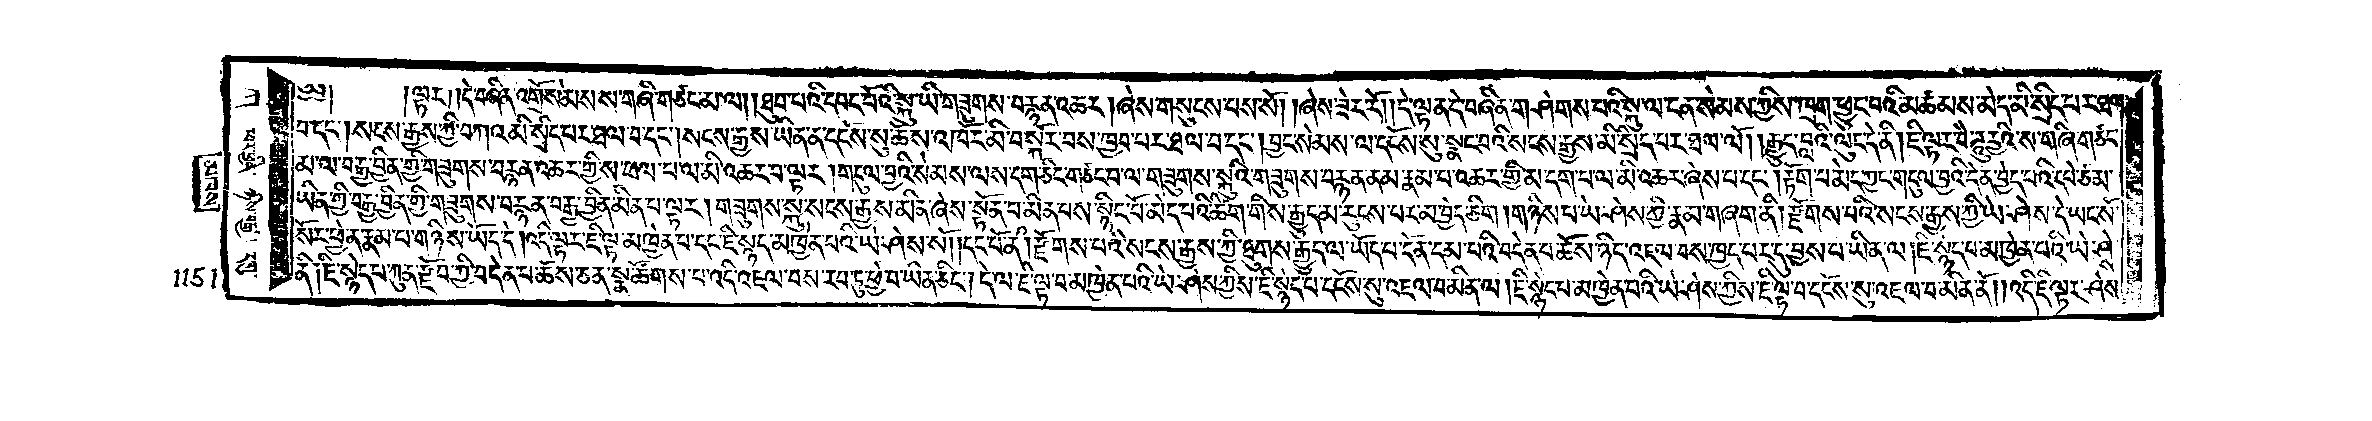༄༅། །ལྟར། །དེ་བཞིན་འགྲོ་སེམས་ས་གཞི་གཙང་མ་ལ། ཐུབ་པའི་དབང་པོའི་སྐུ་ཡི་གཟུགས་བརྙན་འཆར། ཞེས་གསུངས་པས་སོ། །ཞེས་ཟེར་རོ། །དེ་ལྟ་ན་དེ་བཞིན་གཤེགས་པའི་སྐུ་ལ་ངན་སེམས་ཀྱིས་ཁྲག་ཕྱུང་བའི་མཚམས་མེད་མི་སྲིད་པར་ཐལ་
བ་དང་། སངས་རྒྱས་ཀྱི་བཀའ་མི་སྲིད་པར་ཐལ་བ་དང་། སངས་རྒྱས་ཡིན་ན་དངོས་སུ་ཆོས་འཁོར་མི་བསྐོར་བས་ཁྱབ་པར་ཐལ་བ་དང་། བྱང་སེམས་ལ་དངོས་སུ་སྣང་བའི་སངས་རྒྱས་མི་སྲིད་པར་ཐལ་ལོ། །རྒྱུད་བླའི་ལུང་དེ་ནི། ཇི་ལྟར་བཻ་ཌཱུ་རྱའི་ས་གཞི་གཙང་
མ་ལ་བརྒྱ་བྱིན་གྱི་གཟུགས་བརྙན་འཆར་གྱི་ས་ཕལ་པ་ལ་མི་འཆར་བ་ལྟར། གདུལ་བྱའི་སེམས་ལས་དག་ཅིང་གཙང་བ་ལ་གཟུགས་སྐུའི་གཟུགས་བརྙན་ནམ་རྣམ་པ་འཆར་གྱི་མ་དག་པ་ལ་མི་འཆར་ཞེས་པ་དང་། རྟོག་པ་མེད་ཀྱང་གདུལ་བྱའི་དོན་བྱེད་པའི་དཔེ་ཙམ་
ཡིན་གྱི་བརྒྱ་བྱིན་གྱི་གཟུགས་བརྙན་བརྒྱ་བྱིན་མིན་པ་ལྟར། གཟུགས་སྐུ་སངས་རྒྱས་མིན་ཞེས་སྟོན་པ་མིན་པས་སྙིང་པོ་མེད་པའི་ཚིག་གིས་རྒྱུད་མ་རུངས་པར་མ་བྱེད་ཅིག །གཉིས་པ་ཡེ་ཤེས་ཀྱི་རྣམ་གཞག་ནི། རྫོགས་པའི་སངས་རྒྱས་ཀྱི་ཡེ་ཤེས་དེ་ཡང་སོ་
སོར་ཕྱེ་ན་རྣམ་པ་གཉིས་ཡོད་དེ། འདི་ལྟར་ཇི་ལྟ་མཁྱེན་པ་དང་ཇི་སྙད་མཁྱེན་པའི་ཡེ་ཤེས་སོ། །དང་པོ་ནི། རྫོགས་པའི་སངས་རྒྱས་ཀྱི་ཐུགས་རྒྱུད་ལ་ཡོད་པ་དོན་དམ་པའི་བདེན་པ་ཆོས་ཉིད་འཇལ་བས་ཁྱད་པར་དུ་བྱས་པ་ཡིན་ལ། ཇི་སྙེད་པ་མཁྱེན་པའི་ཡེ་ཤེས་
ནི། ཇི་སྙེད་པ་ཀུན་རྫོབ་ཀྱི་བདེན་པ་ཆོས་ཅན་སྣ་ཚོགས་པ་འདི་འཇལ་བས་རབ་ཏུ་ཕྱེ་བ་ཡིན་ཅིང་། དེ་ལ་ཇི་ལྟ་བ་མཁྱེན་པའི་ཡེ་ཤེས་ཀྱིས་ཇི་སྙེད་པ་དངོས་སུ་འཇལ་བ་མིན་ལ། ཇི་སྙེད་པ་མཁྱེན་པའི་ཡེ་ཤེས་ཀྱིས་ཇི་ལྟ་བ་དངོས་སུ་འཇལ་བ་མིན་ནོ། །འདི་ཇི་ལྟར་ཤེས་